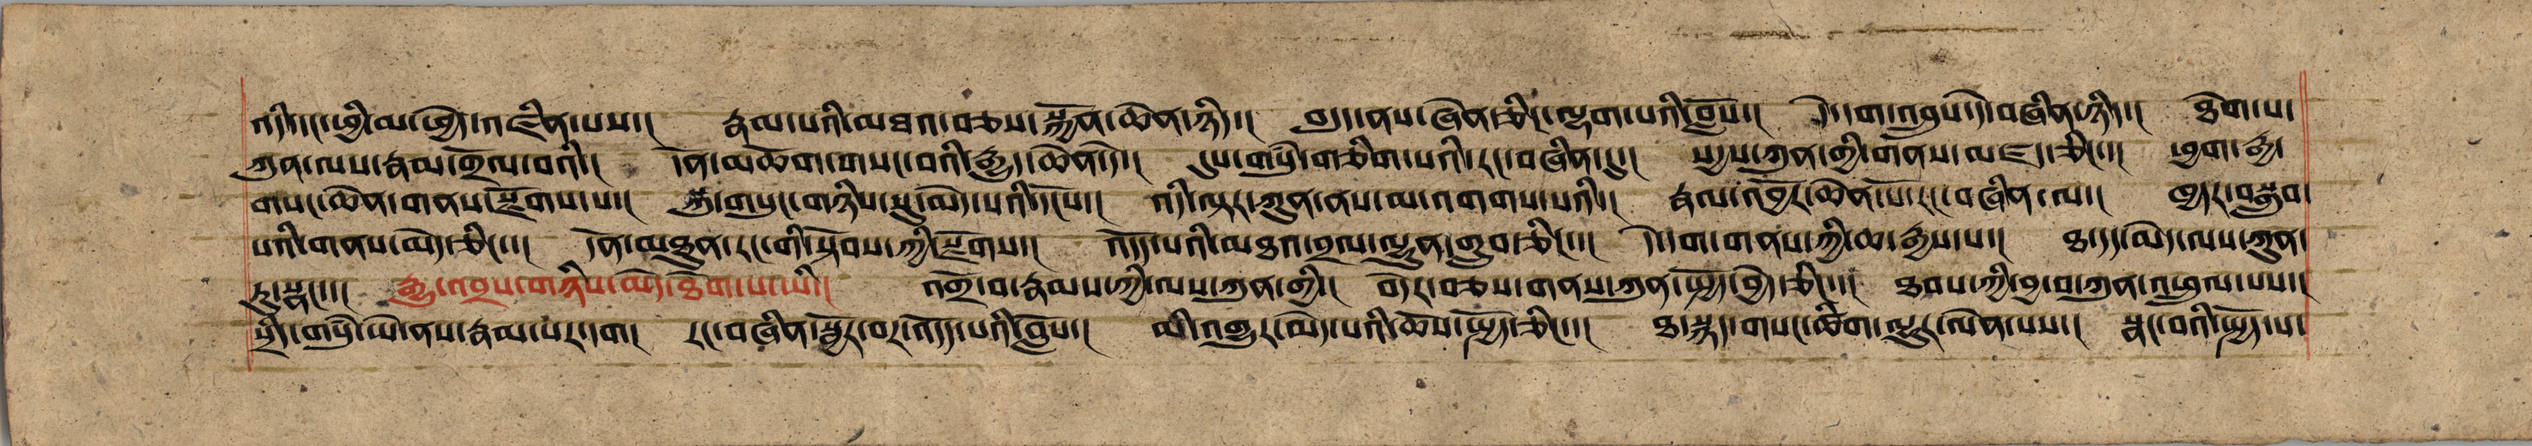འདི་དང་ཕྱི་མ་ཕྱེད་འཛིན་པས་། རྣམ་པའི་མཐའ་བཅས་སྐྱོན་ཆེན་ཉིད་། བདུད་ནས་ཞེན་ཅིང་ལྷག་པའི་བློས་། དེ་དག་འབྲུས་དེ་བཞིན་ཉིད་། ཐེག་པ་
ཀུན་ལས་རྣམ་གྲོལ་བའི་། དོན་མཆོག་གསང་བའི་རྒྱུད་ཆེན་དེ་། དུས་གསུཾ་གཅིག་པའི་རང་བཞིན་དུ་། སདྱས་ཀུན་གྱི་གནས་མཛད་ཅིང་་། ཕྱག་རྒྱ་
གསང་ཆེན་གནས་སྫོགས་པ་། སྐུ་གསུང་གཉིས་སུ་མེད་པའི་དངོས་། འདི་ལྟར་ཀུན་ནས་མ་འགགས་པའི་། རྣལ་འབྱོར་ཆེན་པོ་རང་བཞིན་ལ་། ཁྱདར་བསྒྲུབ་
པའི་གནས་མེད་ཅིང་་། དོན་མཐུན་རང་གི་སྟོབས་ཀྱི་སྫོགས་། འདོད་པའི་མཐའ་བྲལ་ལྷུན་གྲུབ་ཅིང་་། དེ་དག་གནས་ཀྱི་ཆ་རྒྱས་པ་། ཐ་དད་མེད་ལས་ཀུན་
ཏུ་སྣང་་། རྒྱུ་འབྲས་གཉིས་མེད་ཐོག་པ་ཡི་། འགྲོ་བ་རྣམས་ཀྱི་ལས་ཀུན་གྱི་། བདེར་བཅས་གནས་ཀུན་སྤྱོད་བྱེད་ཅིང་་། ཐབས་ཀྱི་བྱ་བ་ཀུན་འཕྲུལ་པས་།
སྲིད་གསུཾ་ཡེ་ནས་རྣམ་པར་དག། རང་བཞིན་སྦྱོར་བར་འདོད་པའི་བློས་། མི་འགྱུར་མེད་པའི་ཆོས་སྤྱོད་ཅིང་་། ཐ་སྙད་གསང་ཚིག་ལྷུར་ལེན་པས་། སྣང་བའི་སྤྱོད་པ་